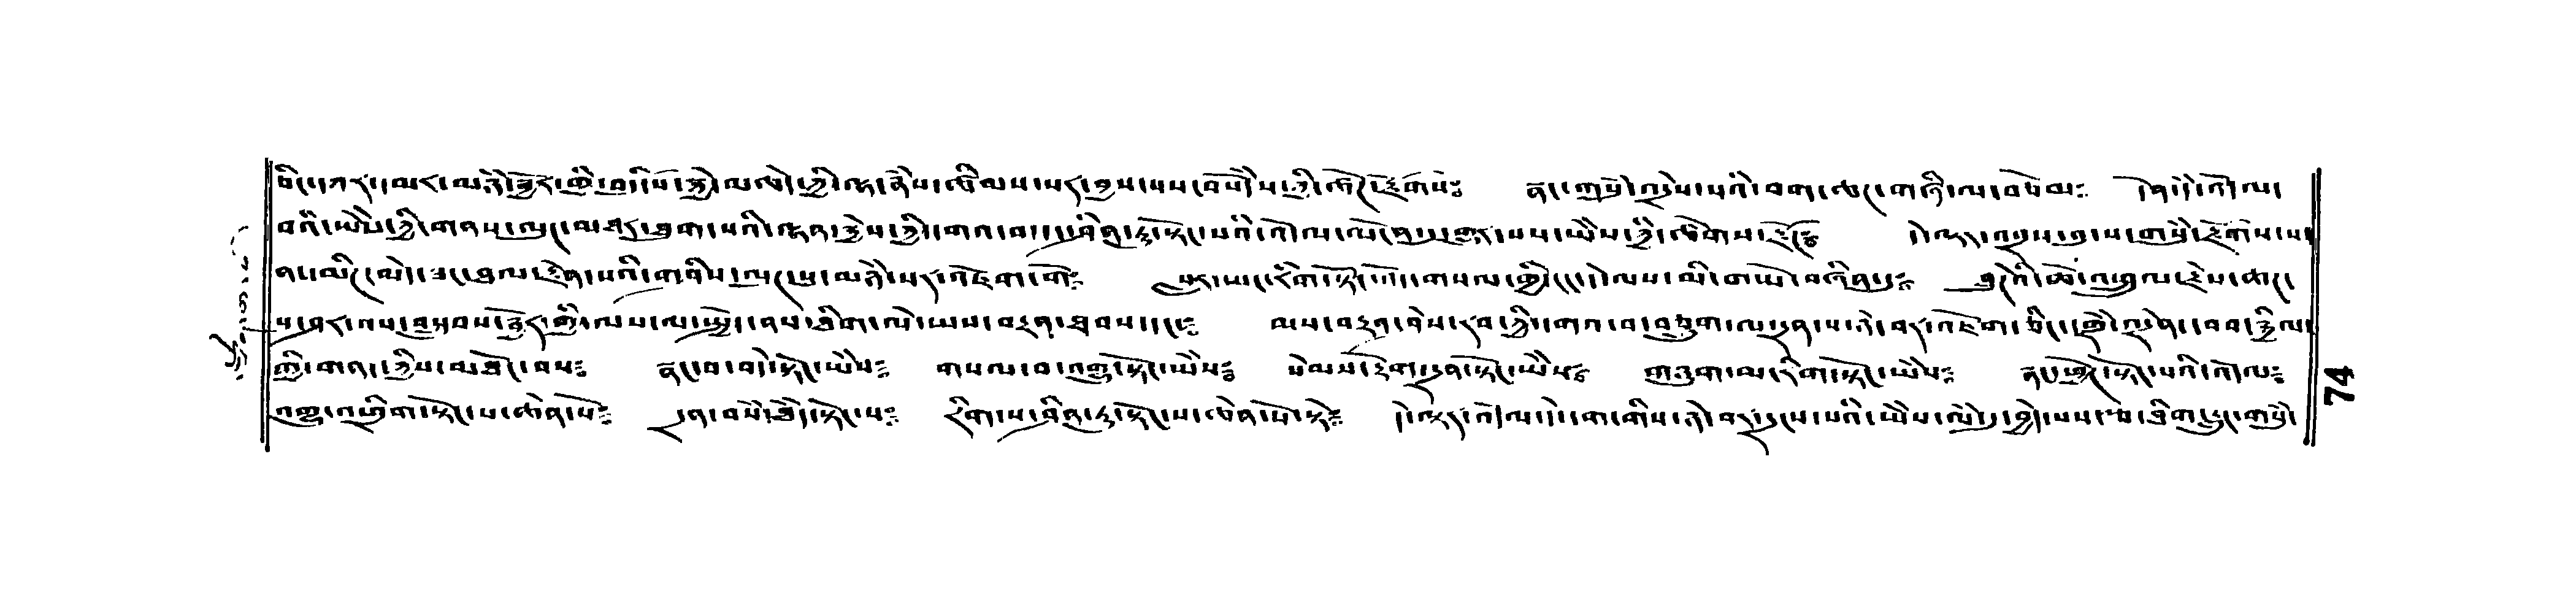ཅིང་དཀར་དམར་མཉམ་སྦྱོར་གྱི་བདུད་རྩིས་སྐྱེ་མཆེད་ཀྱི་ལྷ་རྣམས་ཚིམས་པརབྱས་པས་བསོད་ནམས་ཀྱི་ཚོགས་རྫོགས༔ སྣང་གསུམ་འདྲེས་པའི་བག་ཆགས་གཞི་ལ་བཅོམ༔ དོན་དམ་འོད་གསལ་
བའི་ཡེ་ཤེས་ཀྱི་གནས་ལུགས་མཐར་ཐུག་པའི་ལྷན་སྐྱེས་ཀྱི་དགའ་བ་དང་ཤིན་ཏུ་སྟོང་པའི་འོད་གསལ་མངོན་དུ་གྱུར་པས་ཡེ་ཤེས་ཀྱི་ཚོགས་རྫོགས༔ དེ་ལྟར་འབྲས་བུ་ས་གསུམ་རྫོགས་པ་
ན་དམིགས་མེད་ཟང་ཐལ་རྗེན་པའི་གཤིགས་ལུགས་སུ་མཉམ་པར་འཇོག་གོ༔ སླར་ཡང་རིག་སྟོང་འོད་གསལ་གྱི་ངང་དེ་ལས་མི་གཡོ་བཞིན་དུ༔ ཐུགས་རྗེའི་ཆོ་འཕྲུལ་རྗེས་ཆགས་
སུ་ཤར་བས་བསྲུབས་སྦྱོར་གྱི་ལས་ལ་སྤྱོད་ནས་ཐིག་ལེ་ཡས་བརྟན་ཐབས་དང༔ མས་བརྟན་ཤེས་རབ་ཀྱི་དགའ་བ་བཅུ་དྲུག་ལ་དྲན་པ་ཉེ་བར་འཇོག་ཅིང་དགྲམ་འདྲེན་དབབ་སྐྱིལ་
གྱི་གནད་ཀྱིས་མཐོང་བས༔ སྣང་བ་བདེ་སྟོང་ཡེ་ཤེས༔ གསལ་བ་འགྱུ་སྟོང་ཡེ་ཤེས༔ སེམས་རྟོག་དྲན་སྟོང་ཡེ་ཤེས༔ གཉུག་མ་རིག་སྟོང་ཡེ་ཤེས༔ སྣང་ཕྱོགས་སྟོང་པའི་འོད་གསལ༔ 
འགྱུ་འཕྲིག་སྟོང་པ་ཆེན་པོ༔ དྲན་བསམ་ཐམས་ཅད་སྟོང་པ༔ རིག་པ་ཤིན་ཏུ་སྟོང་པ་ཆེན་པོ་སྟེ༔ དེ་ལྟར་འོད་གསལ་དེ་དག་གིས་ཉེ་བར་དྲངས་པའི་ཡེ་ཤེས་ལམ་དུ་བྱེད་པས་རྩ་ཐིག་རླུང་གསུམ་